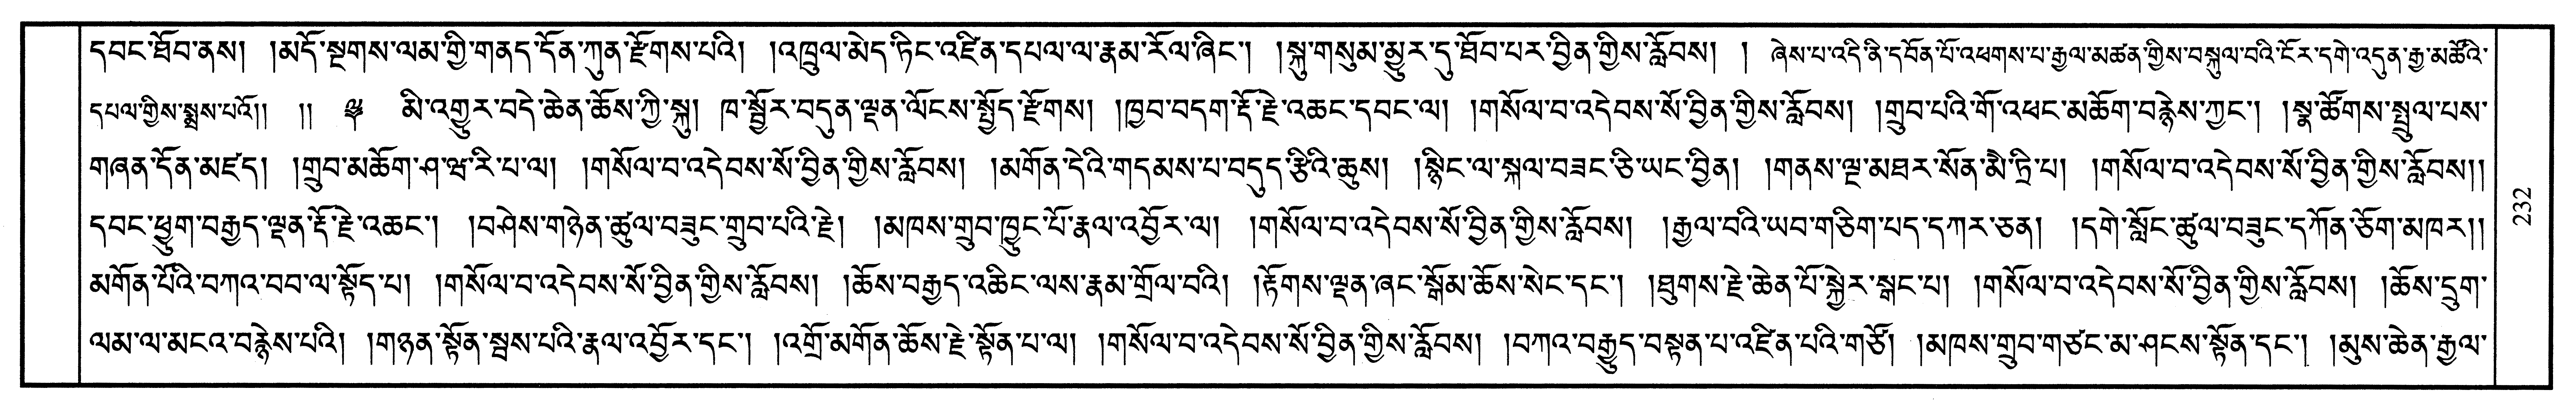དབང་ཐོབ་ནས། །མདོ་སྔགས་ལམ་གྱི་གནད་དོན་ཀུན་རྫོགས་པའི། །འཁྲུལ་མེད་ཏིང་འཛིན་དཔལ་ལ་རྣམ་རོལ་ཞིང་། །སྐུ་གསུམ་མྱུར་དུ་ཐོབ་པར་བྱིན་གྱིས་རློབས། །ཞེས་པ་འདི་ནི་དབོན་པོ་འཕགས་པ་རྒྱལ་མཚན་གྱིས་བསྐུལ་བའི་ངོར་དགེ་འདུན་རྒྱ་མཚོའི་
དཔལ་གྱིས་སྨྲས་པའོ།། །། ༈ མི་འགྱུར་བདེ་ཆེན་ཆོས་ཀྱི་སྐུ། ཁ་སྦྱོར་བདུན་ལྡན་ལོངས་སྤྱོད་རྫོགས། །ཁྱབ་བདག་རྡོ་རྗེ་འཆང་དབང་ལ། །གསོལ་བ་འདེབས་སོ་བྱིན་གྱིས་རློབས། །གྲུབ་པའི་གོ་འཕང་མཆོག་བརྙེས་ཀྱང་། །སྣ་ཚོགས་སྤྲུལ་པས་
གཞན་དོན་མཛད། །གྲུབ་མཆོག་ཤ་ཝ་རི་པ་ལ། །གསོལ་བ་འདེབས་སོ་བྱིན་གྱིས་རློབས། །མགོན་དེའི་གདམས་པ་བདུད་རྩིའི་ཆུས། །སྙིང་ལ་སྐལ་བཟང་ཅི་ཡང་བྱིན། །གནས་ལྔ་མཐར་སོན་མཻ་ཏྲི་པ། །གསོལ་བ་འདེབས་སོ་བྱིན་གྱིས་རློབས།།
དབང་ཕྱུག་བརྒྱད་ལྡན་རྡོ་རྗེ་འཆང་། །བཤེས་གཉེན་ཚུལ་བཟུང་གྲུབ་པའི་རྗེ། །མཁས་གྲུབ་ཁྱུང་པོ་རྣལ་འབྱོར་ལ། །གསོལ་བ་འདེབས་སོ་བྱིན་གྱིས་རློབས། །རྒྱལ་བའི་ཡབ་གཅིག་པད་དཀར་ཅན། །དགེ་སློང་ཚུལ་བཟུང་དཀོན་ཅོག་མཁར།
མགོན་པོའི་བཀའ་བབ་ལ་སྟོད་པ། །གསོལ་བ་འདེབས་སོ་བྱིན་གྱིས་རློབས། །ཆོས་བརྒྱད་འཆིང་ལས་རྣམ་གྲོལ་བའི། །རྟོགས་ལྡན་ཞང་སྒོམ་ཆོས་སེང་དང་། །ཐུགས་རྗེ་ཆེན་པོ་སྐྱེར་སྒང་པ། །གསོལ་བ་འདེབས་སོ་བྱིན་གྱིས་རློབས། །ཆོས་དྲུག་
ལམ་ལ་མངའ་བརྙེས་པའི། །གཉན་སྟོན་སྦས་པའི་རྣལ་འབྱོར་དང་། །འགྲོ་མགོན་ཆོས་རྗེ་སྟོན་པ་ལ། །གསོལ་བ་འདེབས་སོ་བྱིན་གྱིས་རློབས། །བཀའ་བརྒྱུད་བསྟན་པ་འཛིན་པའི་གཙོ། །མཁས་གྲུབ་གཙང་མ་ཤངས་སྟོན་དང་། །མུས་ཆེན་རྒྱལ་